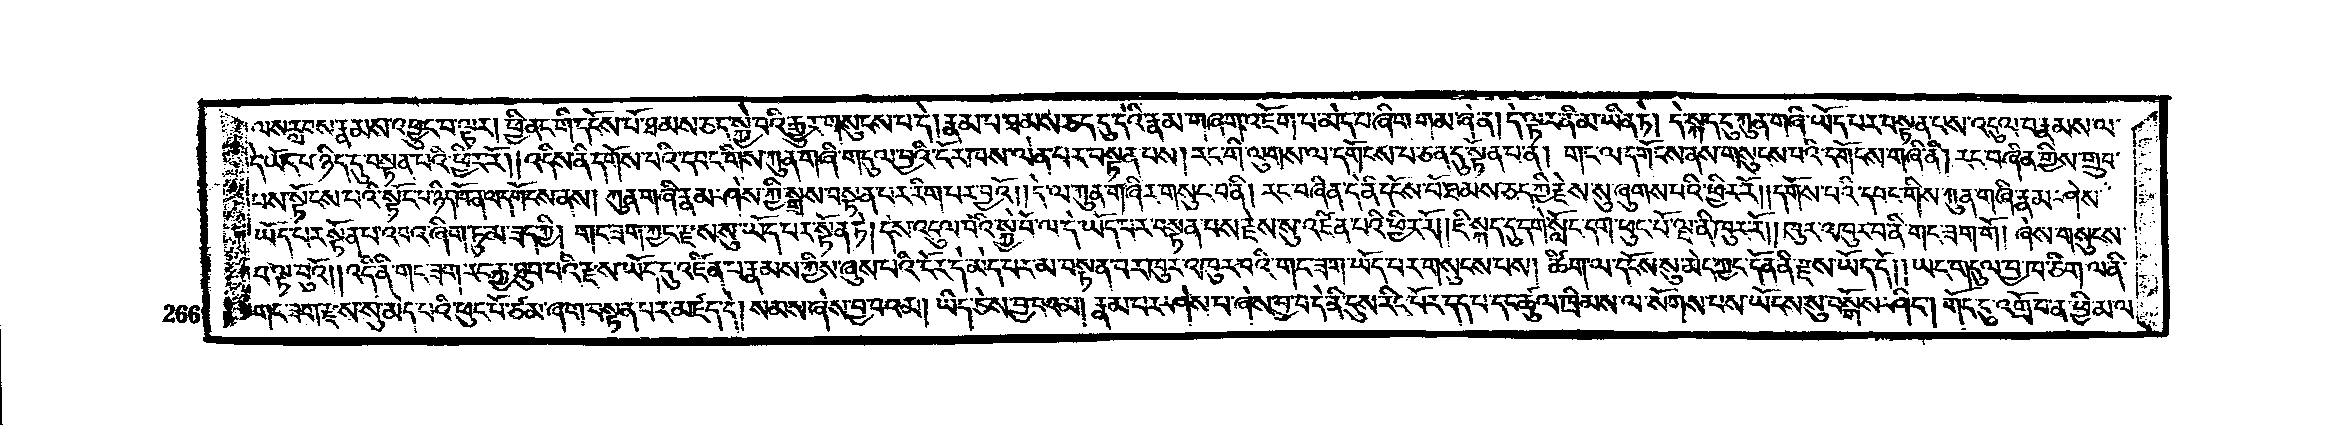ལས་རླབས་རྣམས་འབྱུང་བ་ལྟར། ཕྱི་ནང་གི་དངོས་པོ་ཐམས་ཅད་སྐྱེ་བའི་རྒྱུར་གསུངས་པ་དེ། རྣམ་པ་ཐམས་ཅད་དུ་དེའི་རྣམ་གཞག་འཇོག་པ་མེད་ཞིག་གམ་ཞེ་ན། དེ་ལྟར་ནི་མ་ཡིན་ཏེ། དེ་སྐད་དུ་ཀུན་གཞི་ཡོད་པར་བསྟན་པས་འདུལ་བ་རྣམས་ལ་
དེ་ཡོད་པ་ཉིད་དུ་བསྟན་པའི་ཕྱིར་རོ། །འདིས་ནི་དགོས་པའི་དབང་གིས་ཀུན་གཞི་གདུལ་བྱའི་ངོར་ཁས་ལེན་པར་བསྟན་པས། རང་གི་ལུགས་ལ་དགོངས་པ་ཅན་དུ་སྟོན་པ་ན། གང་ལ་དགོངས་ནས་གསུངས་པའི་དགོངས་གཞི་ནི། རང་བཞིན་གྱིས་གྲུབ་
པས་སྟོང་པའི་སྟོང་པ་ཉིད་ཁོ་ན་ལ་དགོངས་ནས། ཀུན་གཞི་རྣམ་ཤེས་ཀྱི་སྒྲས་བསྟན་པར་རིག་པར་བྱའོ། །དེ་ལ་ཀུན་གཞིར་གསུང་བ་ནི། རང་བཞིན་དེ་ནི་དངོས་པོ་ཐམས་ཅད་ཀྱི་རྗེས་སུ་ཞུགས་པའི་ཕྱིར་རོ། །དགོས་པའི་དབང་གིས་ཀུན་གཞི་རྣམ་ཤེས་
ཡོད་པར་སྟོན་པ་འབའ་ཞིག་ཏུ་མ་ཟད་ཀྱི། གང་ཟག་ཀྱང་རྫས་སུ་ཡོད་པར་སྟོན་ཏེ། དེས་འདུལ་བའི་སྐྱེ་བོ་ལ་དེ་ཡོད་པར་བསྟན་པས་རྗེས་སུ་འཛིན་པའི་ཕྱིར་རོ། །ཇི་སྐད་དུ་དགེ་སློང་དག་ཕུང་པོ་ལྔ་ནི་ཁུར་རོ། །ཁུར་འཁུར་བ་ནི་གང་ཟག་གོ །ཞེས་གསུངས་
པ་ལྟ་བུའོ། །འདི་ནི་གང་ཟག་རང་རྐྱ་ཐུབ་པའི་རྫས་ཡོད་དུ་འཛིན་པ་རྣམས་ཀྱིས་ཞུས་པའི་ངོར་དེ་མེད་པར་མ་བསྟན་པར་ཁུར་འཁུར་བའི་གང་ཟག་ཡོད་པར་གསུངས་པས། ཚིག་ལ་དངོས་སུ་མེད་ཀྱང་དོན་ནི་རྫས་ཡོད་དོ། །ཡང་གདུལ་བྱ་ཁ་ཅིག་ལ་ནི་
གང་ཟག་རྫས་སུ་མེད་པའི་ཕུང་པོ་ཙམ་ཞིག་བསྟན་པར་མཛད་དེ། སེམས་ཞེས་བྱ་བའམ། ཡིད་ཅེས་བྱ་བའམ། རྣམ་པར་ཤེས་པ་ཞེས་བྱ་བ་དེ་ནི་དུས་རིང་པོར་དད་པ་དང་ཚུལ་ཁྲིམས་ལ་སོགས་པས་ཡོངས་སུ་བསྒོས་ཤིང་། གོང་དུ་འགྲོ་བ་ན་ཕྱི་མ་ལ་